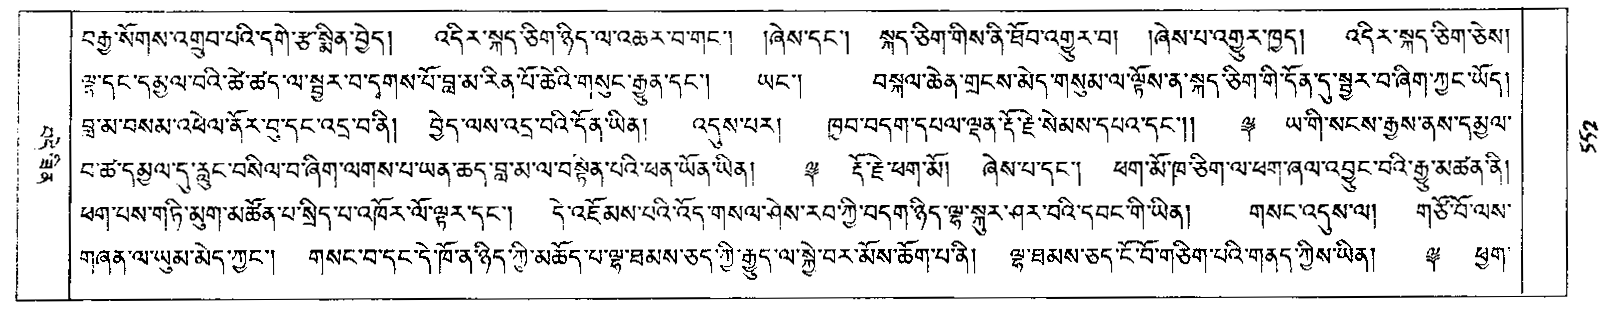བརྒྱ་སོགས་འགྲུབ་པའི་དགེ་རྩ་སྨིན་བྱེད། འདིར་སྐད་ཅིག་ཉིད་ལ་འཆར་བ་གང་། །ཞེས་དང་། སྐད་ཅིག་གིས་ནི་ཐོབ་འགྱུར་བ། །ཞེས་པ་འགྱུར་ཁྱད། འདིར་སྐད་ཅིག་ཅེས།
ལྷ་དང་དམྱལ་བའི་ཚེ་ཚད་ལ་སྦྱར་བ་དྭགས་པོ་བླ་མ་རིན་པོ་ཆེའི་གསུང་རྒྱུན་དང་། ཡང་། བསྐལ་ཆེན་གྲངས་མེད་གསུམ་ལ་ལྟོས་ན་སྐད་ཅིག་གི་དོན་དུ་སྦྱར་བ་ཞིག་ཀྱང་ཡོད།
བླ་མ་བསམ་འཕེལ་ནོར་བུ་དང་འདྲ་བ་ནི། བྱེད་ལས་འདྲ་བའི་དོན་ཡིན། འདུས་པར། ཁྱབ་བདག་དཔལ་ལྡན་རྡོ་རྗེ་སེམས་དཔའ་དང།། ༈ ཡ་གི་སངས་རྒྱས་ནས་དམྱལ་
བ་ཚ་དམྱལ་དུ་རླུང་བསིལ་བ་ཞིག་ལགས་པ་ཡན་ཆད་བླ་མ་ལ་བསྟེན་པའི་ཕན་ཡོན་ཡིན། ༈ རྡོ་རྗེ་ཕག་མོ། ཞེས་པ་དང་། ཕག་མོ་ཁ་ཅིག་ལ་ཕག་ཞལ་འབྱུང་བའི་རྒྱུ་མཚན་ནི།
ཕག་པས་གཏི་མུག་མཚོན་པ་སྲིད་པ་འཁོར་ལོ་ལྟར་དང་། དེ་འཇོམས་པའི་འོད་གསལ་ཤེས་རབ་ཀྱི་བདག་ཉིད་ལྷ་སྐུར་ཤར་བའི་དབང་གི་ཡིན། གསང་འདུས་ལ། གཙོ་བོ་ལས་
གཞན་ལ་ཡུམ་མེད་ཀྱང་། གསང་བ་དང་དེ་ཁོ་ན་ཉིད་ཀྱི་མཆོད་པ་ལྷ་ཐམས་ཅད་ཀྱི་རྒྱུད་ལ་སྐྱེ་བར་མོས་ཆོག་པ་ནི། ལྷ་ཐམས་ཅད་ངོ་བོ་གཅིག་པའི་གནད་ཀྱིས་ཡིན། ༈ ཕྱག་